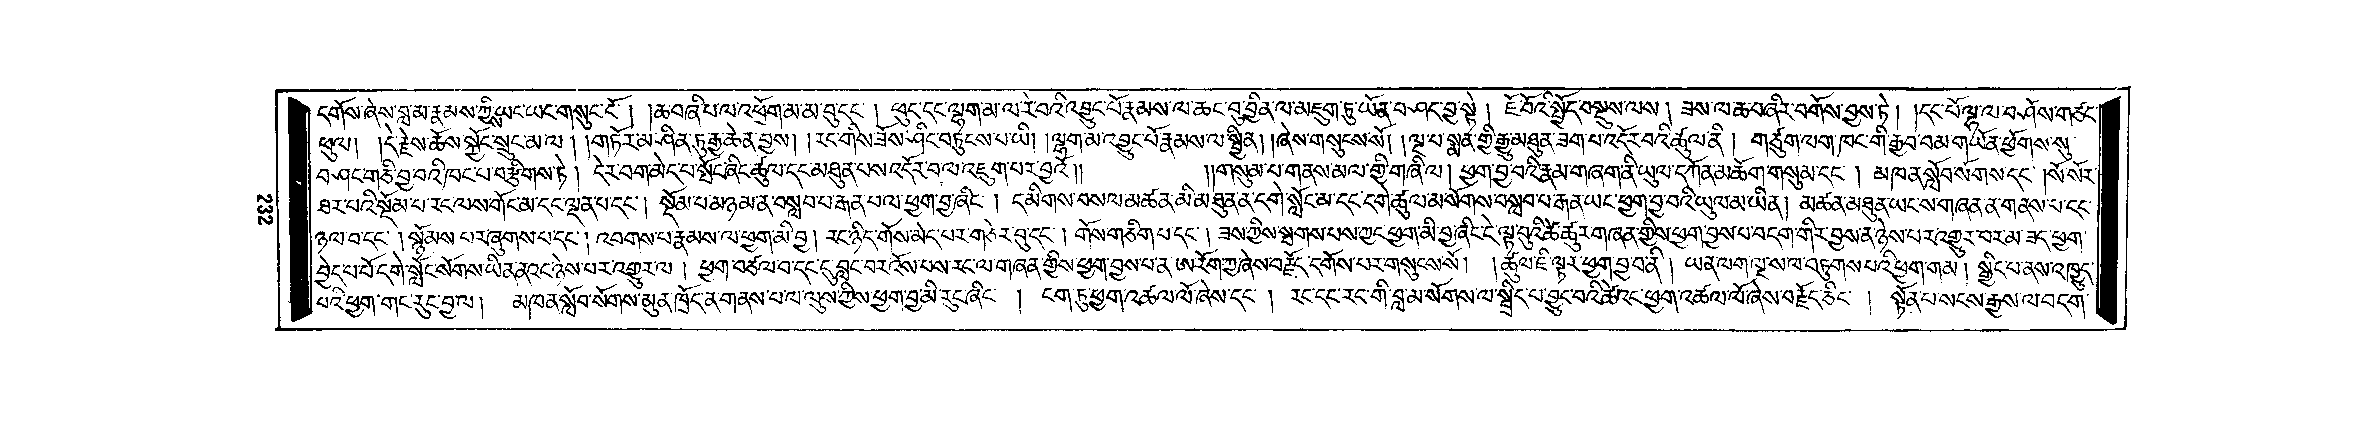དགོས་ཞེས་བླ་མ་རྣམས་ཀྱིས་ཡང་ཡང་གསུང་ངོ། །ཆ་བཞི་པ་ལ་འཕྲོག་མ་མ་བུ་དང་། ཕུང་དང་ལྷག་མ་ལ་རེ་བའི་འབྱུང་པོ་རྣམས་ལ་ཆང་བུ་བྱིན་ལ་མཇུག་ཏུ་ཡོན་བཤད་བྱ་སྟེ། ཇོ་བོའི་སྤྱོད་བསྡུས་ལས། ཟས་ལ་ཆ་བཞིར་བགོས་བྱས་ཏེ། །དང་པོ་ལྷ་ལ་བཤོས་གཙང་
ཕུལ། །དེ་རྗེས་ཆོས་སྐྱོང་སྲུང་མ་ལ། །གཏོར་མ་ཤིན་ཏུ་རྒྱ་ཆེན་བྱས། །རང་གིས་ཟོས་ཤིང་བཏུངས་པ་ཡི། །ལྷག་མ་འབྱུང་པོ་རྣམས་ལ་སྦྱིན། །ཞེས་གསུངས་སོ། །ལྔ་པ་སྨན་གྱི་རྒྱུ་མཐུན་ཟག་པ་འདོར་བའི་ཚུལ་ནི། གཙུག་ལག་ཁང་གི་རྒྱབ་བམ་གཡོན་ཕྱོགས་སུ་
བཤང་གཅི་བྱ་བའི་ཁང་པ་བརྩིགས་ཏེ། དེར་བག་མེད་པ་སྤོང་ཞིང་ཚུལ་དང་མཐུན་པས་འདོར་བ་ལ་འཇུག་པར་བྱའོ།། །།གསུམ་པ་གནས་མལ་གྱི་གཞི་ལ། ཕྱག་བྱ་བའི་རྣམ་གཞག་ནི་ཡུལ་དཀོན་མཆོག་གསུམ་དང་། མཁན་སློབ་སོགས་དང་། སོ་སོར་
ཐར་པའི་སྡོམ་པ་རང་ལས་གོང་མ་དང་ལྡན་པ་དང་། སྡོམ་པ་མཉམ་ན་བསླབ་པ་རྒན་པ་ལ་ཕྱག་བྱ་ཞིང་། དམིགས་བསལ་མཚན་མི་མཐུན་ན་དགེ་སློང་མ་དང་དགེ་ཚུལ་མ་སོགས་བསླབ་པ་རྒན་ཡང་ཕྱག་བྱ་བའི་ཡུལ་མ་ཡིན། མཚན་མཐུན་ཡང་ས་གཞན་ན་གནས་པ་དང་
ཉལ་བ་དང་། སྙོམས་པར་ཞུགས་པ་དང་། འབགས་པ་རྣམས་ལ་ཕྱག་མི་བྱ། རང་ཉིད་གོས་མེད་པར་གཅེར་བུ་དང་། གོས་གཅིག་པ་དང་། ཟས་ཀྱིས་སྦགས་པས་ཀྱང་ཕྱག་མི་བྱ་ཞིང་དེ་ལྟ་བུའི་ཚེ་ཚུར་གཞན་གྱིས་ཕྱག་བྱས་པ་བདག་གིར་བྱས་ན་ཉེས་པར་འགྱུར་བར་མ་ཟད་ཕྱག་
བྱེད་པ་པོ་དགེ་སློང་སོགས་ཡིན་ནའང་ཉེས་པར་འགྱུར་ལ། ཕྱག་བཙལ་བ་དང་དུ་བླང་བར་འོས་པས་རང་ལ་གཞན་གྱིས་ཕྱག་བྱས་པ་ན་ཨ་རོག་ཀྱ་ཞེས་བརྗོད་དགོས་པར་གསུངས་སོ། །ཚུལ་ཇི་ལྟར་ཕྱག་བྱ་བ་ནི། ཡན་ལག་ལྔ་ས་ལ་བཏུགས་པའི་ཕྱག་གམ། སྒྱིད་པ་ནས་འཁྱུད་
པའི་ཕྱག་གང་རུང་བྱ་ལ། མཁན་སློབ་སོགས་མུན་ཁྲོད་ན་གནས་པ་ལ་ལུས་ཀྱིས་ཕྱག་བྱ་མི་རུང་ཞིང་། ངག་ཏུ་ཕྱག་འཚལ་ལོ་ཞེས་དང་། རང་དང་རང་གི་བླ་མ་སོགས་ལ་སྦྲིད་པ་བྱུང་བའི་ཚེའང་ཕྱག་འཚལ་ལོ་ཞེས་བརྗོད་ཅིང་། སྟོན་པ་སངས་རྒྱས་ལ་བདག་